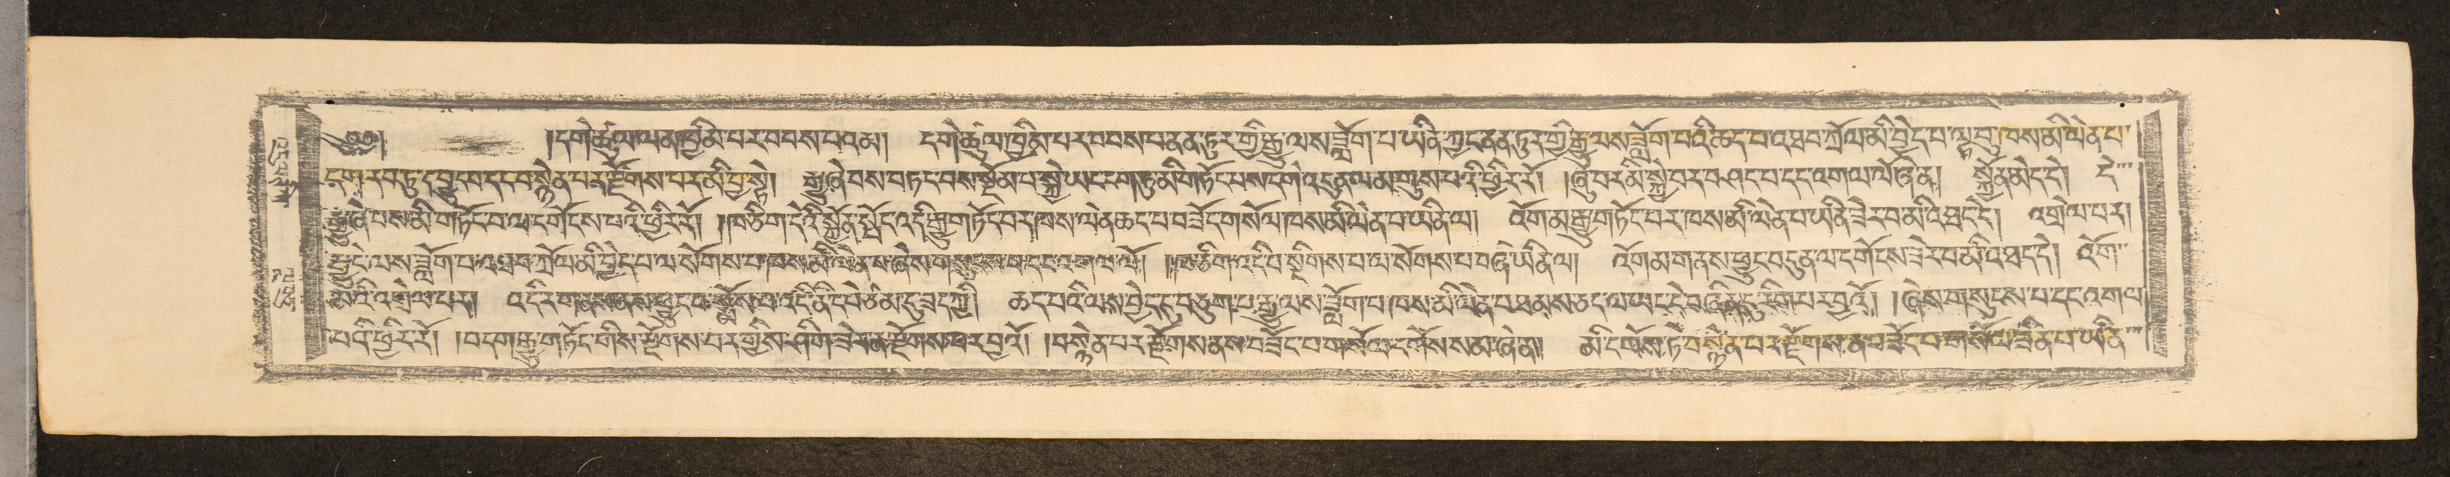༄༅། །དགེ་ཚུལ་ལམ་ཁྱིམ་པར་བབས་པའམ། དགེ་ཚུལ་ཁྱིམ་པར་བབས་པ་ནན་ཏུར་གྱི་རྒྱུ་ལས་ཟློག་པ་ཡིན་ཀྱང་ནན་ཏུར་གྱི་རྒྱུ་ལས་ཟློག་པའི་ཆད་པ་འཐབ་ཀྲོལ་མི་བྱེད་པ་ལྟ་བུ་ཁས་མི་ལེན་པ་
དག་རབ་ཏུ། བྱུང་བ་དང་བསྙེན་པར་རྫོགས་པར་མི་བྱ་སྟེ། རྒྱུ་ཞེ་བས་བཏང་བས་སྡོམ་པ་སྐྱེ་ཡང་དག་ཏུ་མི་གཏོང་པས་དགེ་འདུན་ལ་མ་གུས་པའི་ཕྱིར་རོ། །ཞུ་བར་མི་སྐྱེ་བར་བཤད་པ་དང་འགལ་ལོ་ཞེ་ན། སྐྱོན་མེད་དེ། དེ་
རྒྱུ་ཞེ་བས་མི་གཏོང་བ་ལ་དགོངས་པའི་ཕྱིར་རོ། །ཁ་ཅིག་དེའི་སྐྱོན་སྤོང་འདི་རྒྱུ་གཏོང་བར་ཁས་ལེན་ཆད་པ་བཟོད་གསོལ་ཁས་མི་ལེན་པ་ཡིན་ལ། འོག་མ་རྒྱུ་གཏོང་པར་ཁས་མི་ལེན་པ་ཡིན་ཟེར་བ་མི་འཐད་དེ། འགྲེལ་པར།
རྒྱུ་དེ་ལས་ཟློག་པ་འཐབ་ཀྲོལ་མི་བྱེད་པ་ལ་སོགས་པ་ཁས་མི་ལེན་པ་ཞེས་གསུངས་པ་དང་འགལ་ལོ། །ཁ་ཅིག་འདི་བསྡིགས་པ་ལ་སོགས་པ་བཞི་ཡིན་ལ། འོག་མ་གནས་ཕྱུང་བདུན་ལ་དགོངས་ཟེར་བ་མི་འཐད་དེ། འོག་
མའི་འགྲེལ་པར། འདིར་གནས་ནས་ཕྱུང་བ་སྨོས་པ་འདི་ནི་དཔེ་ཙམ་དུ་ཟད་ཀྱི། ཆད་པའི་ལས་བྱེད་དུ་བཅུག་པ་རྒྱུ་ལས་ཟློག་པ་ཁས་མི་ལེན་པ་ཐམས་ཅད་ལ་ཡང་དེ་བཞིན་དུ་རིག་པར་བྱའོ། །ཞེས་གསུངས་པ་དང་འགལ་
བའི་ཕྱིར་རོ། །བདག་རྒྱུ་གཏོང་གིས་རྫོགས་པར་གྱིས་ཤིག་ཟེར་ན་རྫོགས་པར་བྱའོ། །བསྙེན་པར་རྫོགས་ནས་བཟོད་པ་གསོལ་དགོས་སམ་ཞེ་ན། མི་དགོས་ཏེ་བསྙེན་པར་རྫོགས་ན་བཟོད་པ་གསོལ་ཟིན་པ་ཡིན་